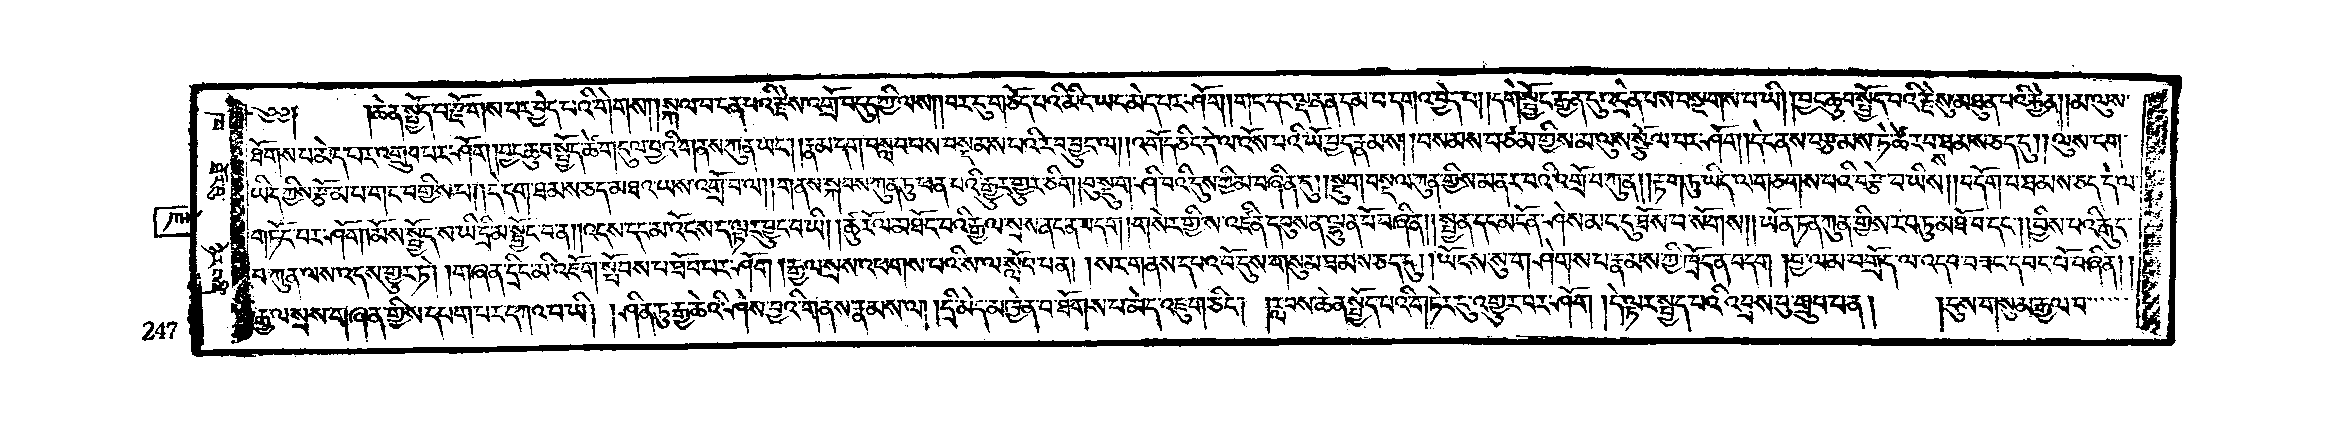༄༅། །ཆན་སྤྱོད་པ་རྫོགས་པར་བྱེད་པའི་གེགས། །སྐལ་བ་ངན་པའི་རྗེས་འགྲོ་བདུད་ཀྱི་ལས། །བར་དུ་གཅོད་པའི་མིང་ཡང་མེད་པར་ཤོག །གང་དང་ལྡན་ན་དམ་པ་དགའ་བྱེད་པ། །དགེ་སྦྱོང་རྒྱན་དུ་འདྲེན་པས་བསྔགས་པ་ཡི། །བྱང་ཆུབ་སྤྱོད་པའི་རྗེས་སུ་མཐུན་པའི་རྐྱེན། །མ་ལུས་
ཐོགས་པ་མེད་པར་འགྲུབ་པར་ཤོག །བྱང་ཆུབ་སྤྱོད་ཚེ་གདུལ་བྱའི་གནས་ཀུན་ཡང་། །རྣམ་དག་བསླབ་པས་བསྡམས་པའི་རབ་བྱུང་ལ། །འགོད་ཅིང་དེ་ལ་འོས་པའི་ཡོ་བྱད་རྣམས། །བསམས་པ་ཙམ་གྱིས་མ་ལུས་སྩོལ་བར་ཤོག །དེང་ནས་བརྩམས་ཏེ་ཚེ་རབས་ཐམས་ཅད་དུ། །ལུས་ངག་
ཡིད་ཀྱིས་རྩོམ་པ་གང་བགྱིས་པ། །དེ་དག་ཐམས་ཅད་མཐའ་ཡས་འགྲོ་བ་ལ། །གནས་སྐབས་ཀུན་ཏུ་ཕན་པའི་རྒྱུར་གྱུར་ཅིག །བུ་སྡུག་ཤི་བའི་དུས་ཀྱི་མ་བཞིན་དུ། །སྡུག་བསྔལ་ཀུན་གྱིས་མནར་བའི་འགྲོ་བ་ཀུན། །རྟག་ཏུ་ཡིད་ལ་གཅགས་པའི་བརྩེ་བ་ཡིས། །བདོག་པ་ཐམས་ཅད་དེ་ལ་
གཏོང་པར་ཤོག །མོས་སྤྱོད་ས་ཡི་དྲི་མ་སྦྱོང་བ་ན། །འདས་དང་མ་འོངས་ད་ལྟར་བྱུང་བ་ཡི། །ཚུ་རོལ་མཐོང་བའི་རྒྱལ་སྲས་ནང་ན་བདག །གསེར་གྱིས་འཛིན་དབུས་ན་ལྷུན་པོ་བཞིན། །སྤྱན་དང་མངོན་ཤེས་མང་དུ་ཐོས་པ་སོགས། །ཡོན་ཏན་ཀུན་གྱིས་རབ་ཏུ་མཐོ་བ་དང་། །བྱིས་པའི་རྒུད་
པ་ཀུན་ལས་འདས་གྱུར་ཏེ། །གཞན་དྲིང་མི་འཇོག་སྤོབས་པ་ཐོབ་པར་ཤོག །རྒྱལ་སྲས་འཕགས་པའི་ས་ལ་སློབ་པ་ན། །སར་གནས་དཔའ་བོ་དུས་གསུམ་ཐམས་ཅད་དུ། །ཡོངས་སུ་གཤེགས་པ་རྣམས་ཀྱི་ཁྲོད་ན་བདག །བྱ་ལམ་བགྲོད་ལ་འདབ་བཟང་དབང་པོ་བཞིན། །
རྒྱལ་སྲས་གཞན་གྱིས་དཔག་པར་དཀའ་བ་ཡི། །ཤིན་ཏུ་རྒྱ་ཆེའི་ཤེས་བྱའི་གནས་རྣམས་ལ། །དྲི་མེད་མཁྱེན་པ་ཐོགས་པ་མེད་འཇུག་ཅིང་། །རླབས་ཆེན་སྤྱོད་པའི་གཏེར་དུ་འགྱུར་བར་ཤོག །དེ་ལྟར་སྤྱད་པའི་འབྲས་བུ་གྲུབ་པ་ན། །དུས་གསུམ་རྒྱལ་བ་